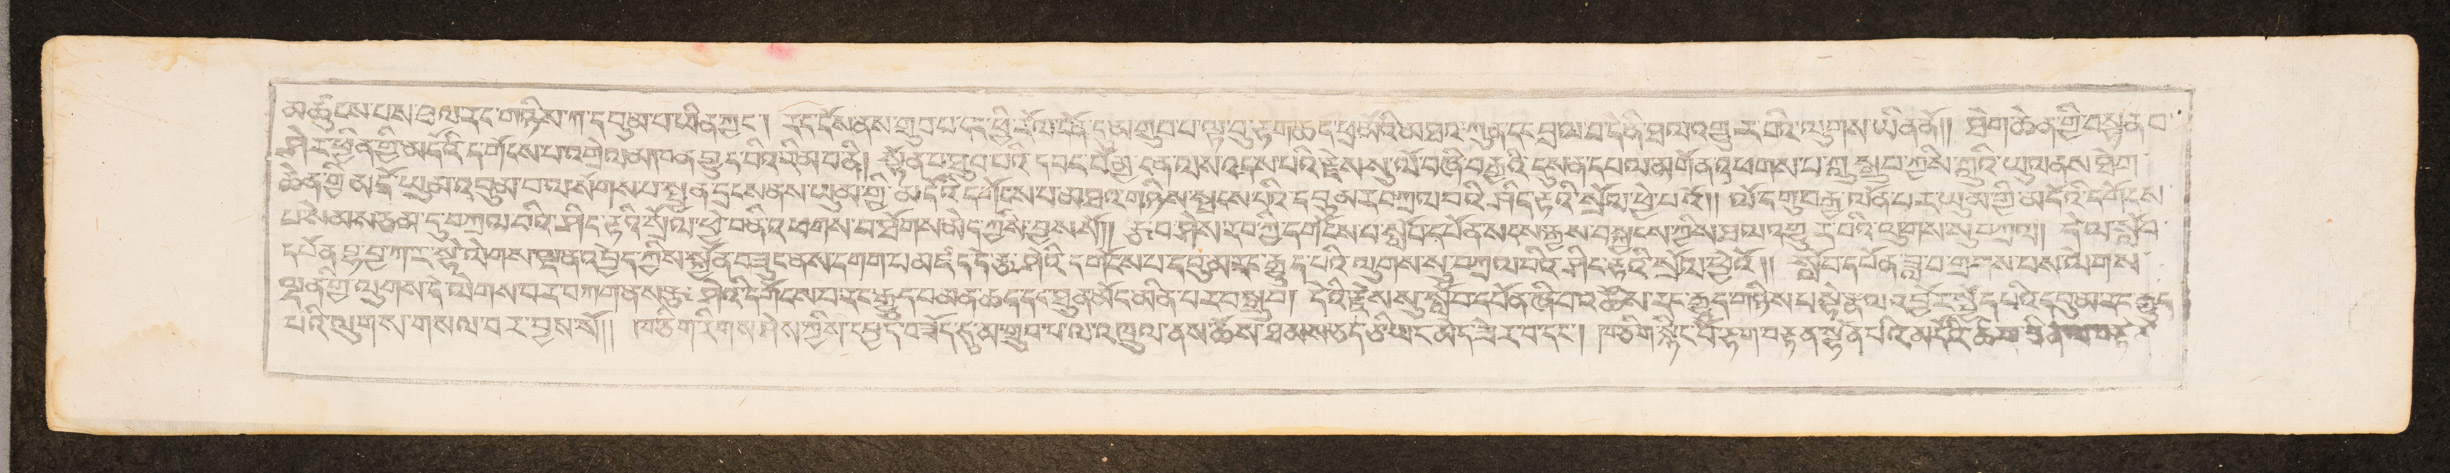མཚུངས་པས་ཐལ་རང་གཉིས་ཀ་དབུ་མ་པ་ཡིན་ཀྱང་། རང་དོས་ནས་གྲུབ་པ་དང་ཕྱི་རོལ་དོན་དུ་མ་གྲུབ་པ་ལྟ་བུ་རྟག་ཆད་ཕྲ་མོའི་མཐའ་ཀུན་དང་བྲལ་བ་དེ་ནི་ཐལ་འགྱུར་བའི་ལུགས་ཡིན་ནོ།། ཐེག་ཆེན་གྱི་བསྟན་པ་
ཤེར་ཕྱིན་གྱི་མདོའི་དགོངས་པ་འགྲེལ་མཁན་བྱུང་བའི་རིམ་པ་ནི། སྟོན་པ་ཐུབ་པའི་དབང་པོ་མྱ་ངན་ལས་འདས་པའི་རྗེས་སུ་ལོ་བཞི་བརྒྱའི་དུས་ན་དཔལ་མགོན་འཕགས་པ་ཀླུ་སྒྲུབ་ཀྱིས་ཀླུའི་ཡུལ་ནས་ཐེག་
ཆེན་གྱི་མདོ་ཡུམ་འབུམ་པ་ལ་སོགས་པ་སྤྱན་དྲངས་ནས་ཡུམ་གྱི་མ་དེའི་དགོངས་པ་མཐའ་གཉིས་སྤངས་པའི་དབུ་མར་བཀྲལ་བའི་ཤིང་རྟའི་སྲོལ་ཕྱེ་པའོ།། ལོ་དགུ་བརྒྱ་ལོན་པར་ཡུམ་གྱི་མདོའི་དགོངས་
པ་སེམས་ཅམ་དུ་བཀྲལ་བའི་ཤིང་རྟའི་སྲོལ་ཕྱེ་བ་ནི་འཕགས་པ་ཐོགས་མེད་ཀྱིས་བྱས་སོ།། རྩ་བ་ཤེས་རབ་ཀྱི་དགོངས་པ་སློབ་དཔོན་སངས་རྒྱས་བསྐྱངས་ཀྱིས་ཐལ་འགྱུར་བའི་ལུགས་སུ་བཀྲལ། དེ་ལ་སློབ་
དཔོན་བྷ་བྱ་ཀ་ར་སྟེ་ལེགས་ལྡན་འབྱེད་ཀྱིས་སྐྱོན་བཟུང་ནས་དགག་པ་མཛད་དེ་རྩ་ཤེའི་དགོངས་པ་དབུ་མ་རང་རྒྱུད་པའི་ལུགས་སུ་བཀྲལ་བའི་ཤིང་རྟའི་སྲོལ་ཕྱེའོ།། སློབ་དཔོན་ཟླ་བ་གྲགས་པས་ལེགས་
ལྡན་གྱི་ལུགས་དེ་ལེགས་པར་བཀག་ནས་རྩ་ཤེའི་དགོངས་པ་རང་རྒྱུད་པ་མན་ཆད་དང་ཐུན་མོང་མིན་པར་བསྒྲུབ། དེའི་རྗེས་སུ་སློབ་དཔོན་ཞི་བ་འཚོས་རང་རྒྱུད་གཉིས་པ་སྟེ་རྣལ་འབྱོར་སྤྱོད་པའི་དབུ་མ་རང་རྒྱུད་
པའི་ལུགས་གསལ་བར་བྱས་སོ།། ཁ་ཅིག་རིགས་ཤེས་ཀྱིས་དཔྱད་བཟོད་དུ་མ་གྲུབ་པ་ལ་འཁྲུལ་ནས་ཆོས་ཐམས་ཅད་ཅི་ཡང་མེད་ཟེར་བ་དང་། ཁ་ཅིག་སྙིང་པོ་རྟག་བརྟན་སྟོན་པའི་མདོའི་ཚིག་ཟིན་ལ་བརྟེན་